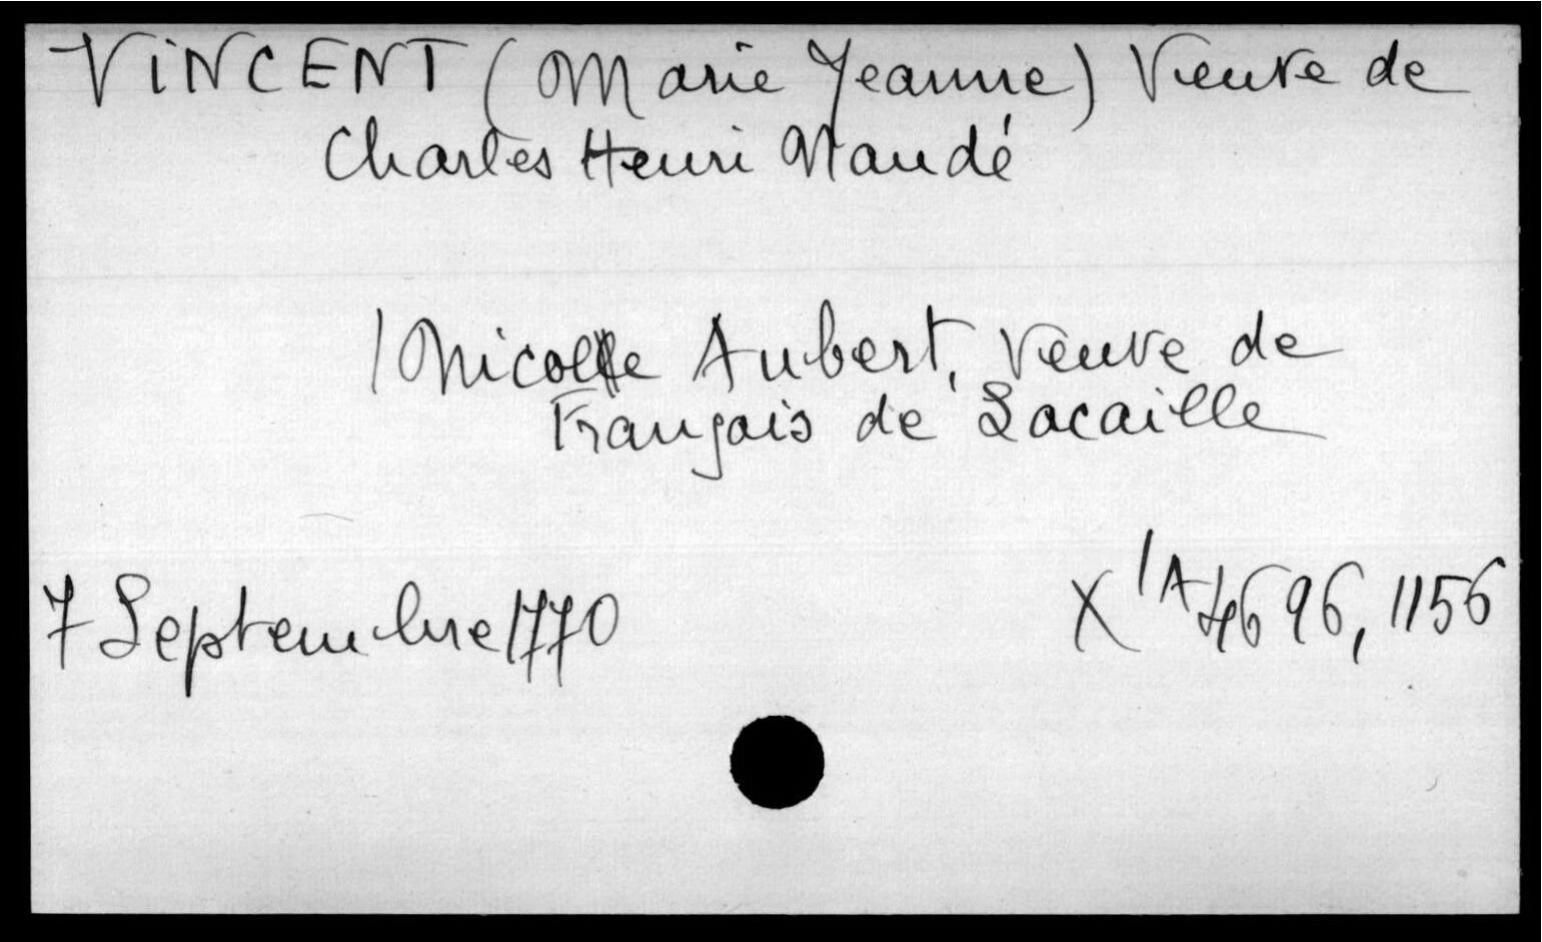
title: VINCENT (Marie Jeanne) Veuve de Charles Henri Naudé
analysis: Contre Nicole Aubert, Veuve de François de Lacaille
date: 7 septembre 1770
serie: X1A
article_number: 4696
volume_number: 1156
